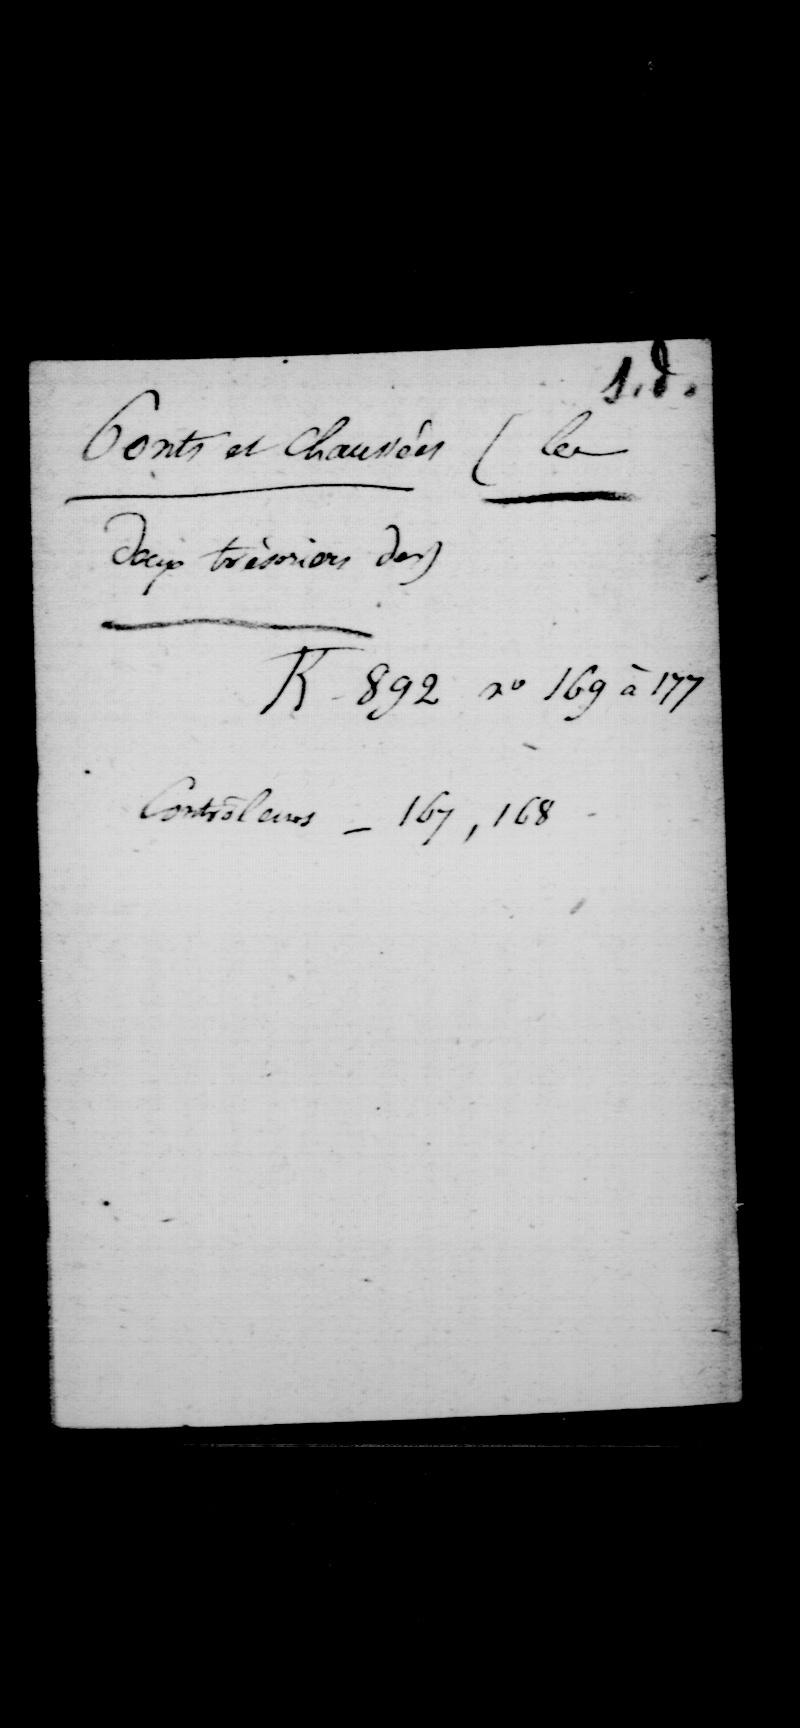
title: Ponts et chaussées (les deux trésoriers des)
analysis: Contrôleurs
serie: K
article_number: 892
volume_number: n° 169 à 177 ; 167, 168
